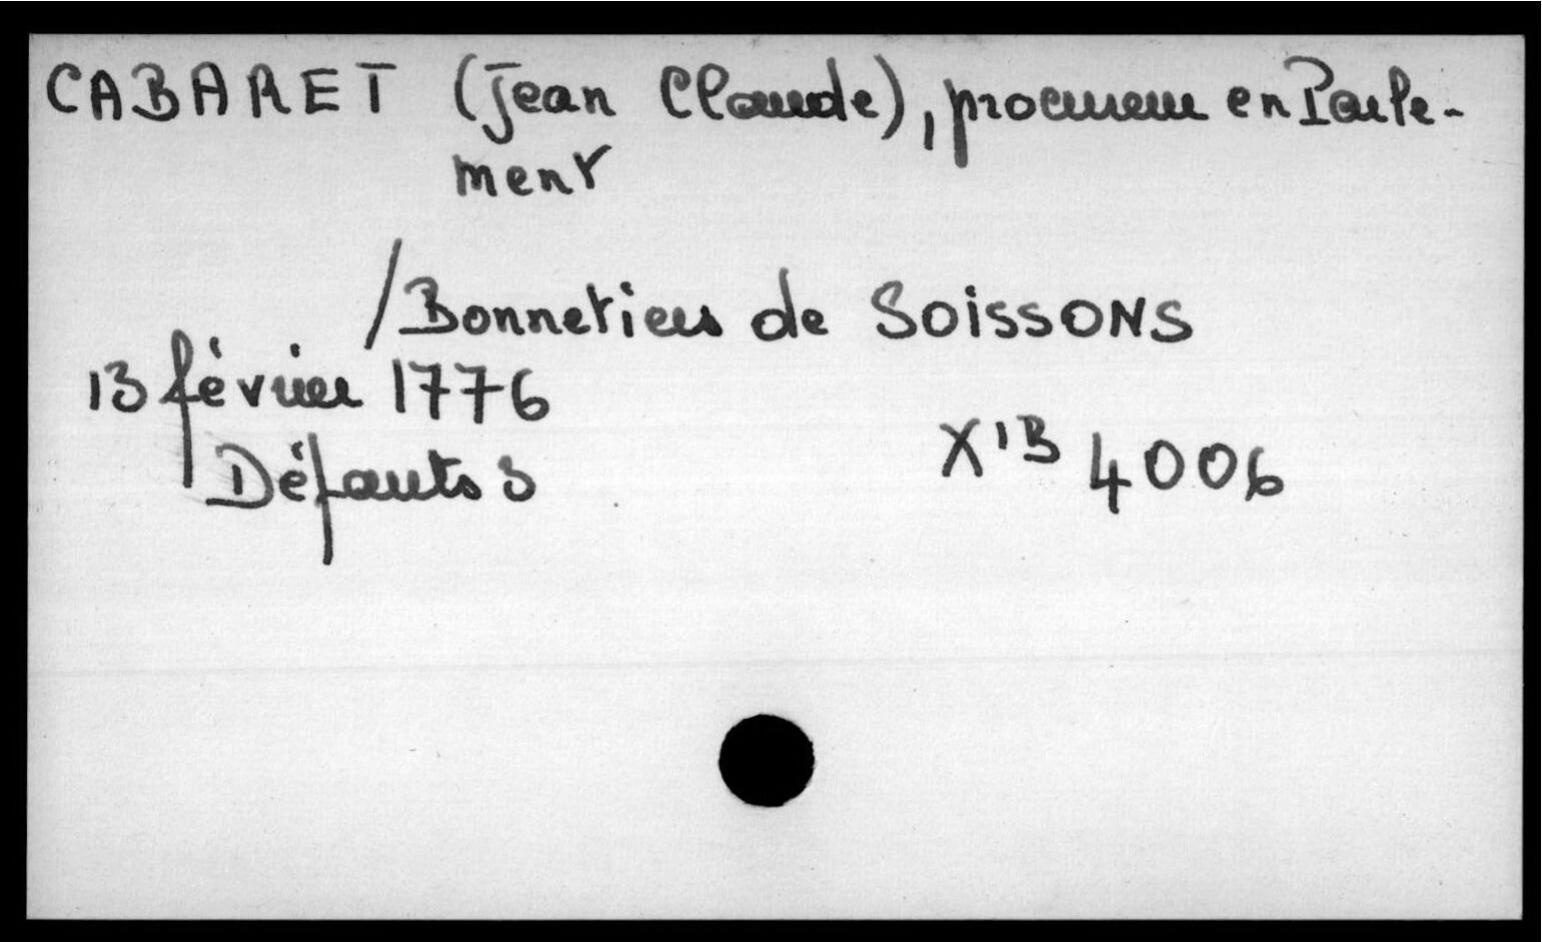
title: CABARET (Jean Claude), procureur en Parlement.
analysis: Contre Bonnetiers de Soissons
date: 13 février 1776
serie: X1B
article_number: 4006
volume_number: Défauts, 3
